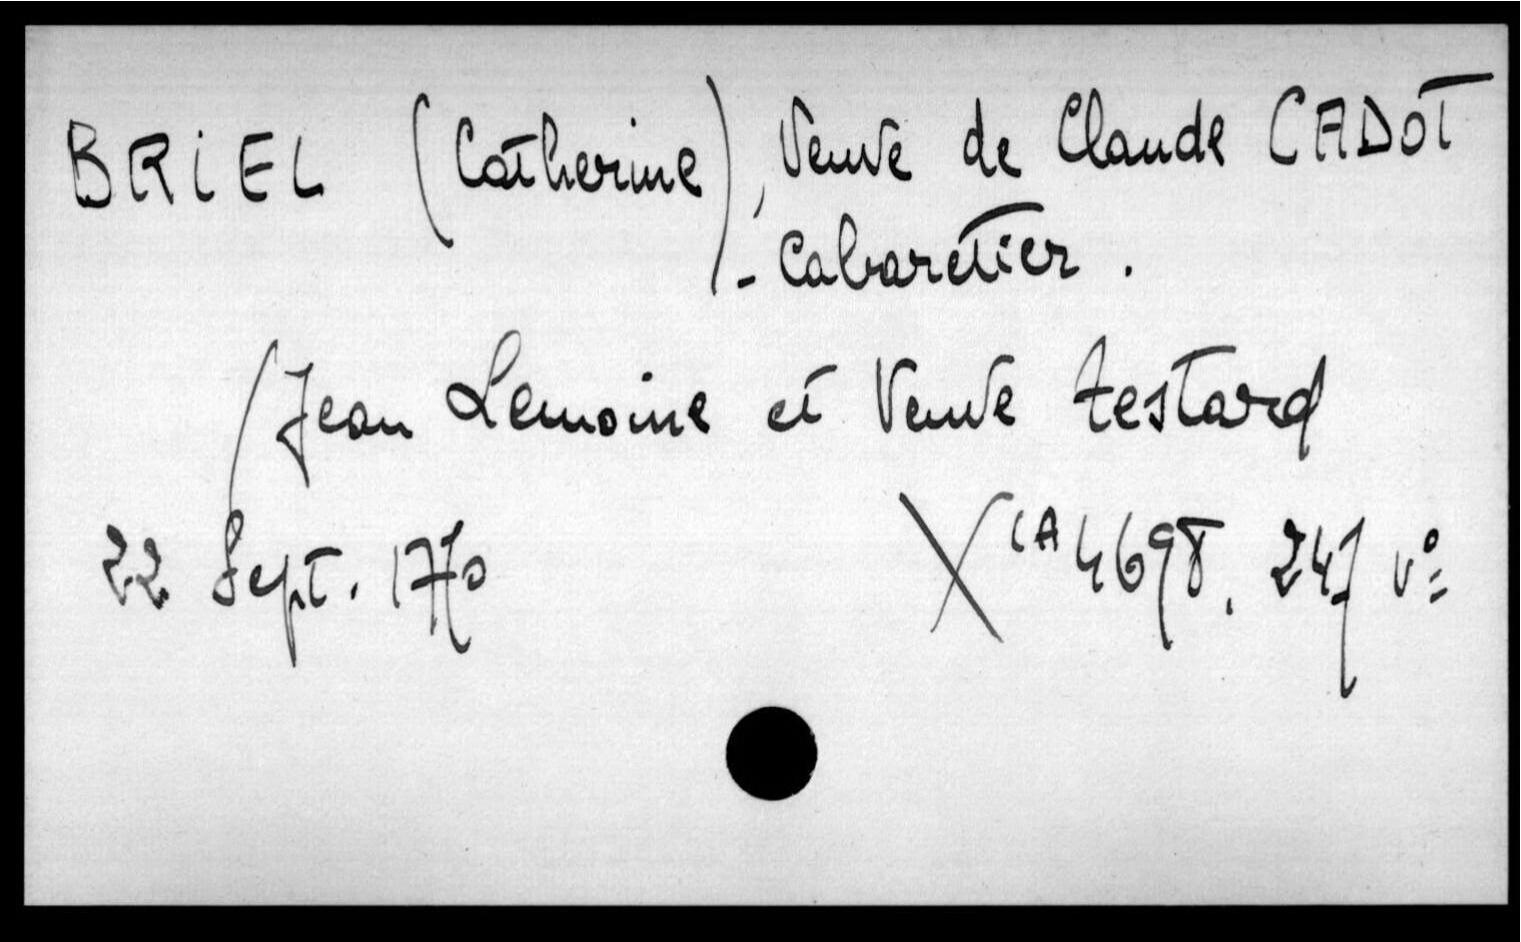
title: BRIEL (Catherine), Veuve de Claude CADOT - cabaretier.
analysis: Contre Jean Lemoine et Veuve Testard
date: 22 septembre 1770
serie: X1A
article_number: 4698
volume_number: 247v
